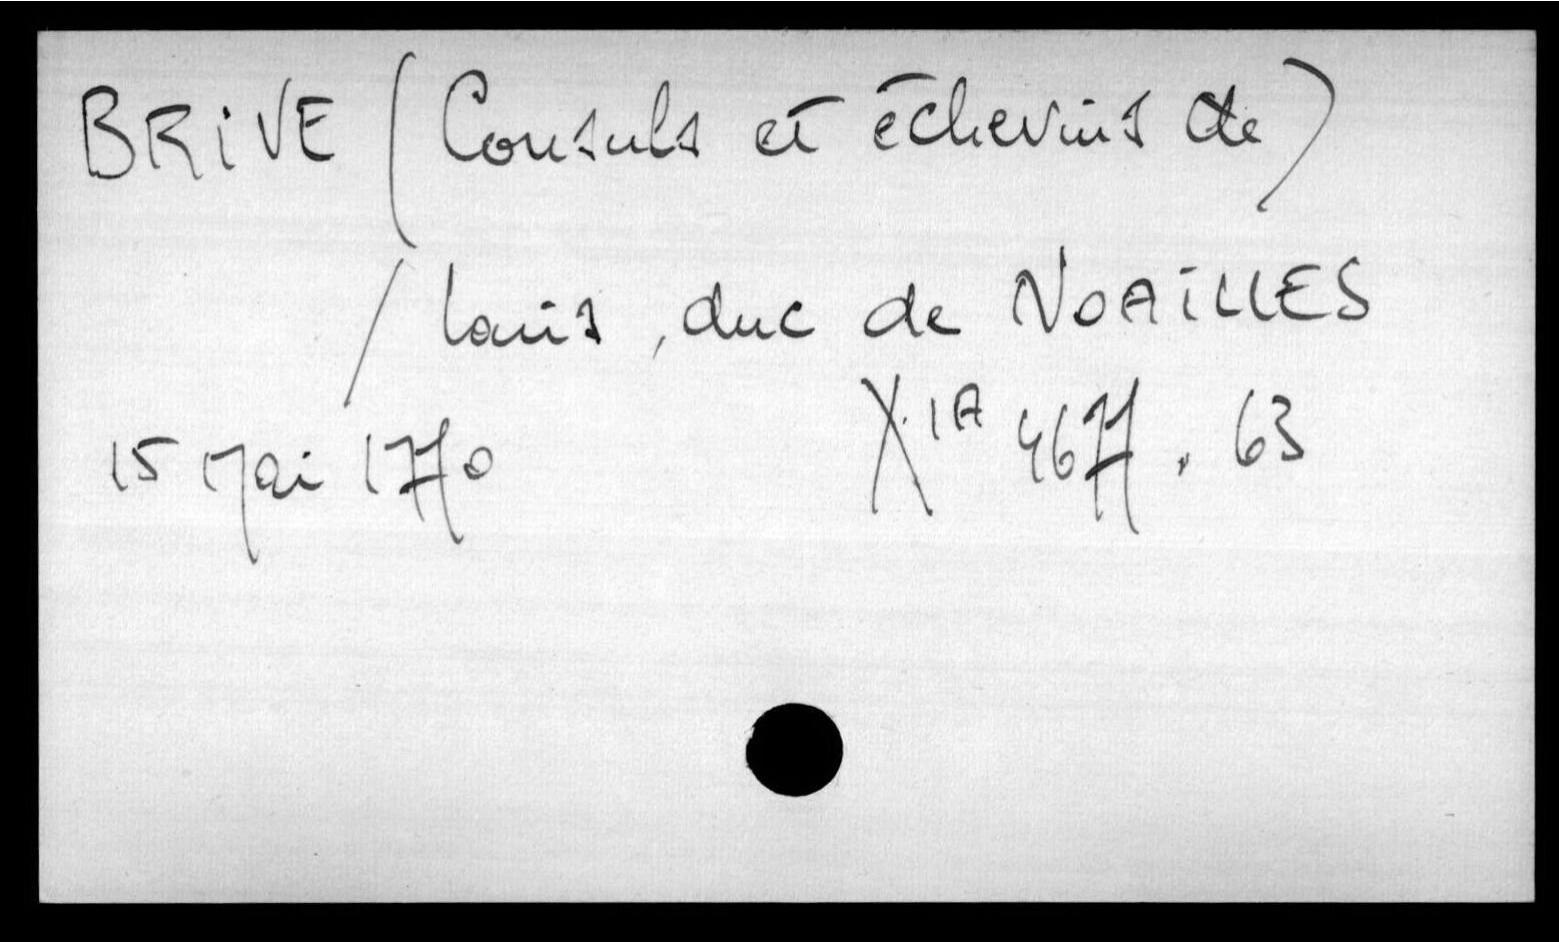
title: BRIVE (Consuls et échevins de)
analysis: Contre Louis, duc de NoAILLES
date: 15 mai 1770
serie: X1A
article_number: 4677
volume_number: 63
